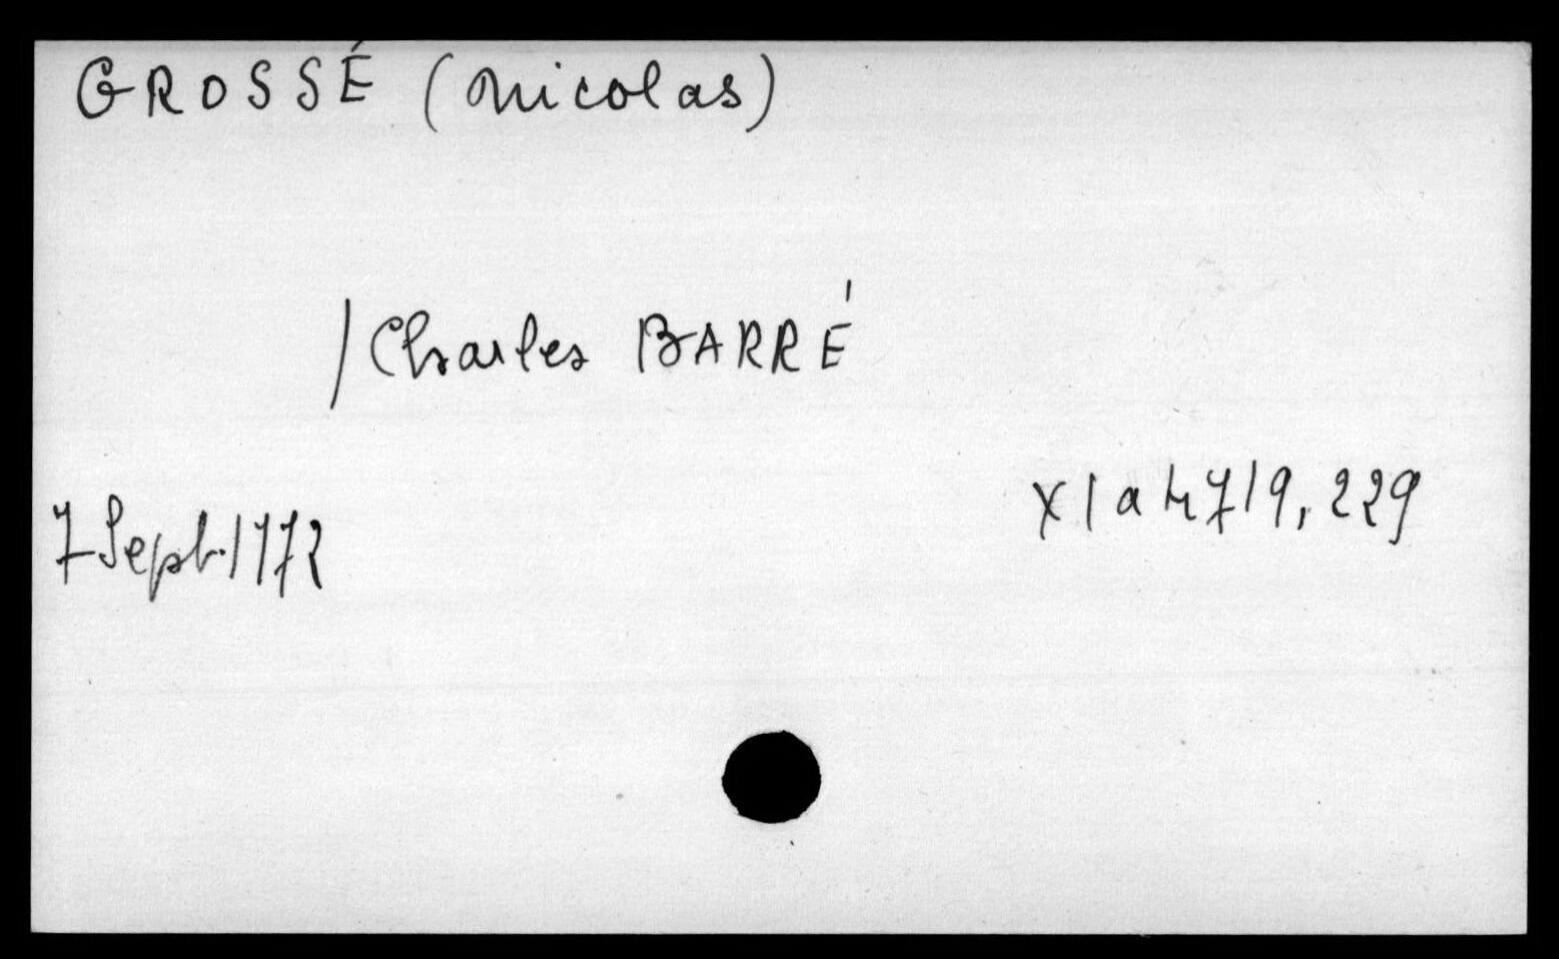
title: GROSSÉ (Nicolas)
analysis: Contre Charles BARRÉ
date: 7 septembre 1772
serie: X1a
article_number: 4719
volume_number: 229
